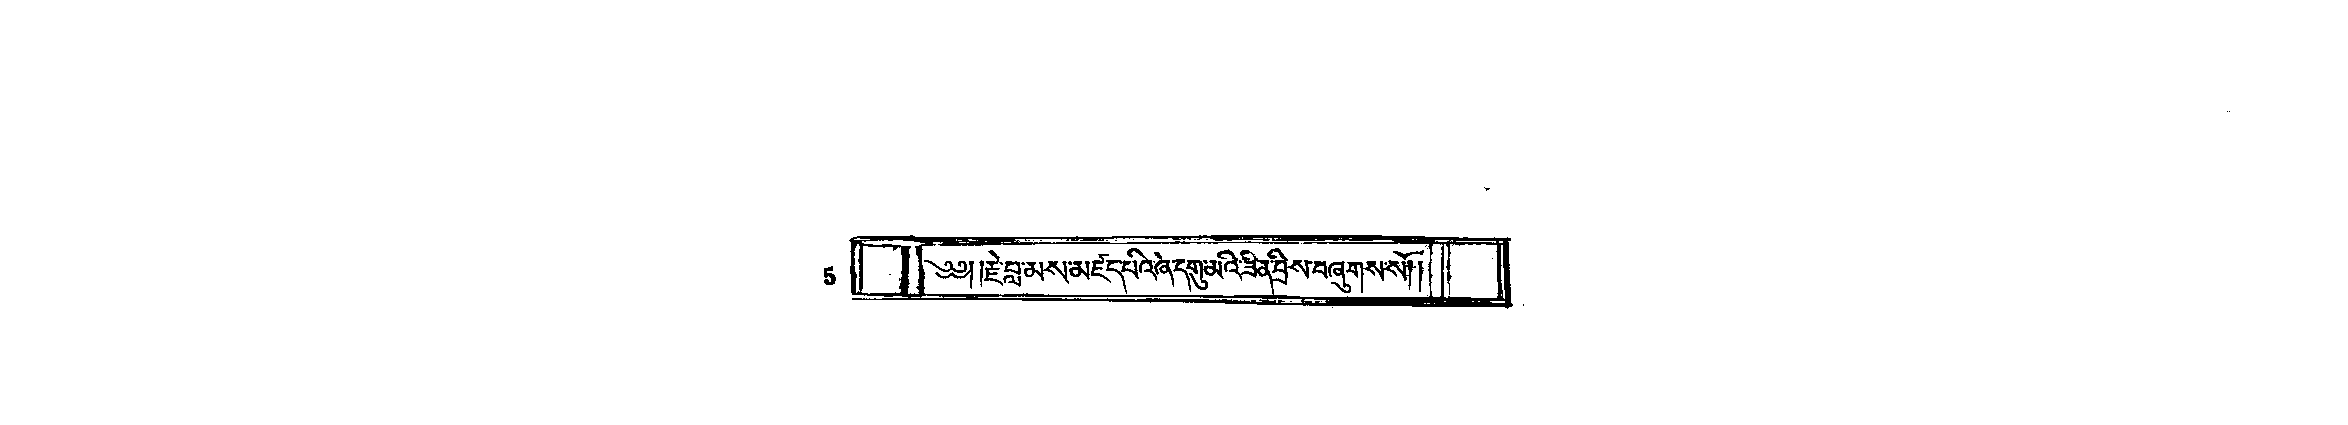༄༅། །རྗེ་བླ་མས་མཛད་པའི་ཞེ་དགུ་མའི་ཟིན་བྲིས་བཞུགས་སོ། །